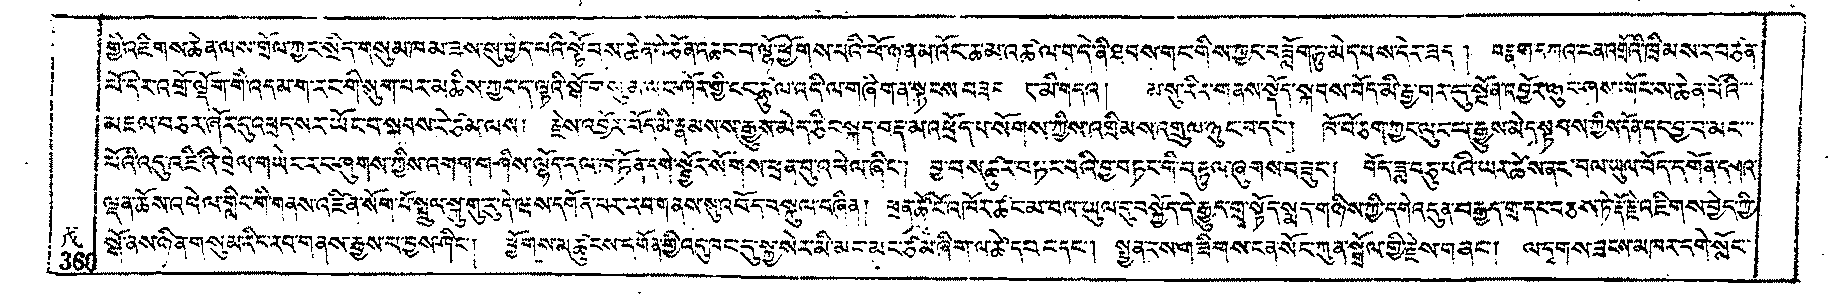གྱི་འཇིགས་ཆེན་ལས་གྲོལ་ཀྱང་སྲིད་གསུམ་ཁམ་ཟས་སུ་བྱེད་པའི་སྟོབས་ཆེན་བེ་ཅོན་འཆང་བ་ལྷོ་ཕྱོགས་པའི་ཕོ་ཉ་ནམ་འོང་ཆ་མ་འཚལ་བ་དེ་ནི་ཐབས་གང་གིས་ཀྱང་བཟློག་ཏུ་མེད་པས་དེར་ཟད། བརྣག་དཀའ་ངན་འགྲོའི་ཁྲིམས་ར་བཙན་
པོ་དེར་འགྲོ་ལྡོག་གི་འདམ་ག་རང་གི་སུག་པར་མཆིས་ཀྱང་ད་ལྟའི་སྒོ་གསུམ་ལང་ཤོར་གྱི་ངང་ཚུལ་འདི་ལ་གཞིག་ན་སྟངས་བཟང་བར་མི་གདའ། མ་སུ་རིར་གནས་སྡོད་སྐབས་བོད་མི་རྒྱ་གར་དུ་སྔོན་འབྱོར་ཉུང་ཤས་༧གོང་ས་ཆེན་པོའི་
མཇལ་བཅར་ཞོར་དུ་འཕྲད་སར་ཡོང་བ་སྐབས་རེ་ཙམ་ལས། རྗེས་འབྱོར་བོད་མི་རྣམས་ས་རྒྱུས་མེད་ཅིང་སྐད་བརྡ་མ་འཕྲོད་པ་སོགས་ཀྱིས་འགྲིམས་འགྲུལ་ཉུང་བ་དང་། ཁོ་བོ་ཅག་ཀྱང་ལུང་པ་རྒྱུས་མེད་སྟབས་ཀྱིས་དོན་དང་བྱ་བ་མང་
པོའི་འདུ་འཛིའི་བྲེལ་གཡེང་རང་ཤུགས་ཀྱིས་འགག་གཤིས་ལྷོད་དལ་ཁ་ཏོན་དགེ་སྦྱོར་སོགས་ཕྲན་བུ་འཕེལ་ཞིང་། བྱ་བས་ཚུར་བཏང་བའི་བྱ་བཏང་གི་བརྟུལ་ཞུགས་བཟུང་། བོད་ཟླ་བཅུ་པའི་ཡར་ཚེས་ནང་བལ་ཡུལ་བོད་དགོན་དགའ་
ལྡན་ཆོས་འཕེལ་གླིང་གི་གནས་འཛིན་སོག་པོ་སྤྲུལ་སྐུ་གུ་རུ་དེ་ཝས་དགོན་པར་རབ་གནས་སུ་འབོད་བསྐུལ་བཞིན། ཕྲན་ཚོ་ངོ་འཁོར་ཚང་མ་བལ་ཡུལ་དུ་བསྐྱོད་དེ་རྒྱུད་གྲྭ་སྟོད་སྨད་གཉིས་ཀྱི་དགེ་འདུན་བརྒྱད་གྲ་དང་བཅས་ཏེ་རྡོ་རྗེ་འཇིགས་བྱེད་ཀྱི་
སྒོ་ནས་ཉིན་གསུམ་རིང་རབ་གནས་རྒྱས་པ་བྱས་ཤིང་། ཕྱོགས་མཚུངས་དགོན་གྱི་འདུ་ཁང་དུ་སྐྱ་སེར་མི་མང་མང་ཙམ་ཞིག་ལ་ཚེ་དབང་དང་། སྤྱན་རས་གཟིགས་ངན་སོང་ཀུན་སྒྲོལ་གྱི་རྗེས་གནང་། ལ་དྭགས་ཟངས་མཁར་དགེ་སློང་